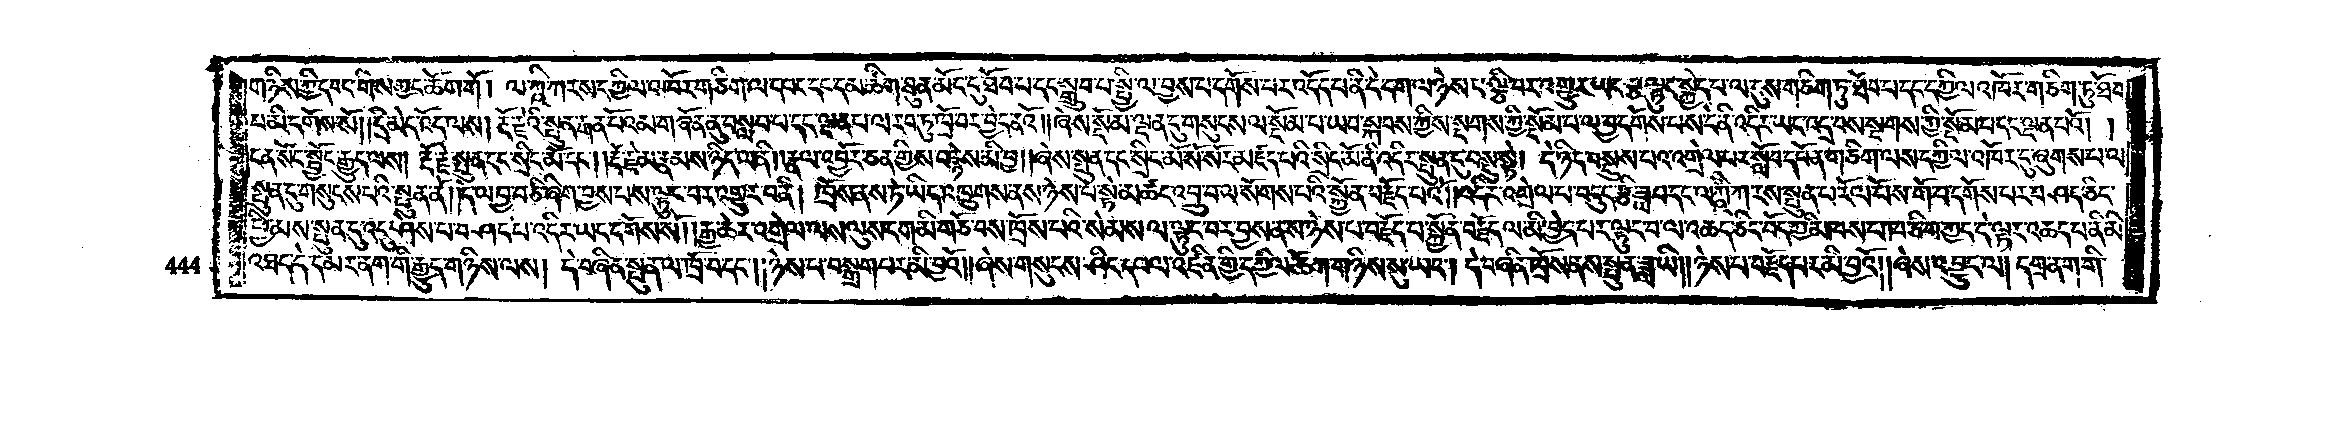གཉིས་ཀྱི་དབང་གིས་ཀྱང་ཆོག་གོ །ལ་ཀཥི་ཀར་ས་དཀྱིལ་འཁོར་གཅིག་ལ་དབང་དང་དམ་ཚིག་ཐུན་མོང་དུ་ཐོབ་པ་དང་སྒྲུབ་པ་སྤྱི་ལ་བྱས་པ་དགོས་པར་འདོད་པ་ནི་དེ་དག་ལ་ཉེས་པ་ལྕི་བར་འགྱུར་ཡང་རྩ་ལྟུང་སྐྱེད་པ་ལ་དུས་གཅིག་ཏུ་ཐོབ་པ་དང་དཀྱིལ་འཁོར་གཅིག་ཏུ་ཐོབ་
པ་མི་དགོས་སོ། །དྲི་མེད་འོད་ལས། རྡོ་རྗེའི་སྤུན་རྒན་པོའམ་གཞོན་ནུ་བསླབ་པ་དང་ལྡན་པ་ལ་རབ་ཏུ་ཁྲོ་བར་བྱེད་ནའོ། །ཞེས་སྡོམ་ལྡན་དུ་གསུངས་ལ་སྡོམ་པ་ཡབ་སྐབས་ཀྱིས་སྔགས་ཀྱི་སྡོམ་པ་ལ་བྱ་དགོས་པས་དེ་ནི་འདིར་ཡང་འདྲ་བས་སྔགས་ཀྱི་སྡོམ་པ་དང་ལྡན་པའོ། །
ངན་སོང་སྦྱོང་རྒྱུད་ལས། རྡོ་རྗེ་སྤུན་དང་སྲིང་མོ་དང་། །རྡོ་རྗེ་མ་རྣམས་ཉིད་ལ་ནི། །རྣལ་འབྱོར་ཅན་གྱིས་བརྙེས་མི་བྱ། །ཞེས་སྤུན་དང་སྲིང་མོ་སོ་སོར་མཛད་པའི་སྲིང་མོ་ནི་འདིར་སྤུན་དུ་བསྡུ་སྟེ། དེ་ཉིད་བསྡུས་པའི་འགྲེལ་པར་སློབ་དཔོན་གཅིག་ལས་དཀྱིལ་འཁོར་དུ་ཞུགས་པ་ལ་
སྤུན་དུ་གསུངས་པའི་སྤུན་ནོ། །དེ་ལ་བྱ་བ་ཅི་ཞིག་བྱས་པས་ལྟུང་བར་འགྱུར་བ་ནི། ཁྲོས་ནས་ཏེ་ཡིད་འཁྲུགས་ནས་ཉེས་པ་སྟེ་མཚང་འབྲུ་བ་ལ་སོགས་པའི་སྐྱོན་བརྗོད་པའོ། །འདིར་འགྲེལ་པ་བདུད་རྩི་ཟླ་བ་དང་ལཀྵི་ཀ་རས་སྤུན་པ་རོལ་པོས་གོ་བ་དགོས་པར་བཤད་ཅིང་
ཕྱི་མས་སྤུན་དུ་འདུ་ཤེས་པ་བཤད་པ་འདིར་ཡང་དགོས་སོ། །རྒྱ་ཆེར་འགྲེལ་ལས་ལུས་ངག་མི་གཅོ་བས་ཁྲོས་པའི་སེམས་ལ་ལྟུང་བར་བྱས་ནས་ཉེས་པ་བརྗོད་པ་སྐྱོན་བརྗོད་ལ་མི་བྱེད་པར་ལྟུང་བ་ལ་འཆད་ཅིང་བོད་ཀྱི་མཁས་པ་ཁ་ཅིག་ཀྱང་དེ་ལྟར་འཆད་པ་ནི་མི་
འཐད་དེ་དམར་ནག་གི་རྒྱུད་གཉིས་ལས། དེ་བཞིན་སྤུན་ལ་ཁྲོ་བ་དང་། །ཉེས་པ་བསྒྲག་པར་མི་བྱའོ། །ཞེས་གསུངས་ཤིང་དཔལ་འཛིན་གྱི་དཀྱིལ་ཆོག་གཉིས་སུ་ཡང་། དེ་བཞིན་ཁྲོས་ནས་སྤུན་ཟླ་ཡི། །ཉེས་པ་བརྗོད་པར་མི་བྱའོ། །ཞེས་འབྱུང་ལ། དགྲ་ནག་གི་